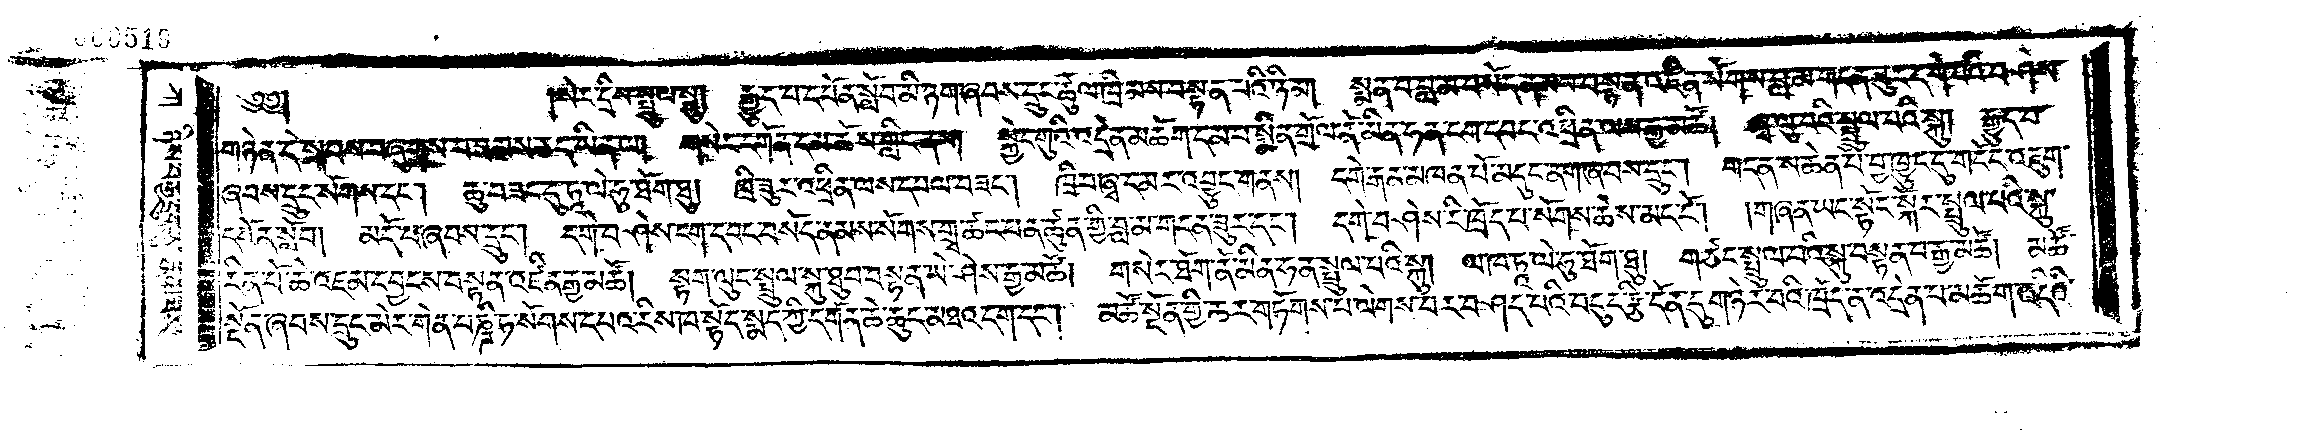༄༅། །སེར་དྲིས་སྤྲུལ་སྐུ། རྒྱུད་པ་དཔོན་སློབ་མི་ཉག་ཞབས་དྲུང་ཚུལ་ཁྲིམས་བསྟན་པའི་ཉི་མ། སྨན་པ་བླ་མ་བསོད་ནམས་བསྟན་འཛིན་སོགས་བླ་མ་གདན་ཟུར་དགེ་པའི་བཤེས་
གཉེན་དེ་སྐབས་བཞུགས་པ་ཐམས་ཅད་ཡིན་ལ། གསེར་དགོན་དམ་ཆོས་གླིང་ནས། སྐྱེ་དགུའི་འདྲེན་མཆོག་དམ་པ་སྨིན་གྲོལ་ནོ་མིན་ཧན་ངག་དབང་འཕྲིན་ལས་རྒྱ་མཚོ། ཞྭ་ལུ་པའི་སྤྲུལ་པའི་སྐུ། རྒྱུད་པ་
ཞབས་དྲུང་སོགས་དང་། ཆུ་བཟང་དུ་ཏཱ་ལེ་ཧུ་ཐོག་ཐུ། ཁྲི་ཟུར་འཕྲིན་ལས་དཔལ་བཟང་། ཁྲི་བ་ཞྭ་དམར་འབྱུང་གནས། དགེ་རྒན་མཁན་པོ་མདུང་ནག་ཞབས་དྲུང་། གདན་ས་ཆེན་པོ་བྱ་ཁྱུད་དུ་གདོང་འཇུག་
དཔོན་སློབ། མདོ་པ་ཞབས་དྲུང་། དགེ་བཤེས་ངག་དབང་བསོད་ནམས་སོགས་གྲྭ་ཚང་ཕན་ཚུན་གྱི་བླ་མ་གདན་ཟུར་དང་། དགེ་བཤེས་རི་ཁྲོད་པ་སོགས་ཆེས་མང་ངོ། །གཞན་ཡང་སྟོང་སྐོར་སྤྲུལ་པའི་སྐུ་
རིན་པོ་ཆེ་འཇམ་དབྱངས་བསྟན་འཛིན་རྒྱ་མཚོ། སྟག་ལུང་སྤྲུལ་སྐུ་ཐུབ་བསྟན་ཡེ་ཤེས་རྒྱ་མཚོ། གསེར་ཐོག་ནོ་མིན་ཧན་སྤྲུལ་པའི་སྐུ། ལ་ཁ་ཏཱ་ལེ་ཧུ་ཐོག་ཐུ། གཙང་སྤྲུལ་པའི་སྐུ་བསྟན་བརྒྱ་མཚོ། མཚོ་
སྔོན་ཞབས་དྲུང་མེར་དོན་པཎྜི་ཏ་སོགས་དཔའ་རིས་ཁ་སྟོད་སྨད་ཀྱི་དགོན་ཆེ་ཆུང་མཐའ་དག་དང་། མཚོ་སྔོན་གྱི་ཆར་གཏོགས་པ་ལེགས་པར་བཤད་པའི་བདུད་རྩི་དོན་དུ་གཉེར་བའི་ཁྲོད་ན་འདྲེན་པ་མཆོག་འདིའི་